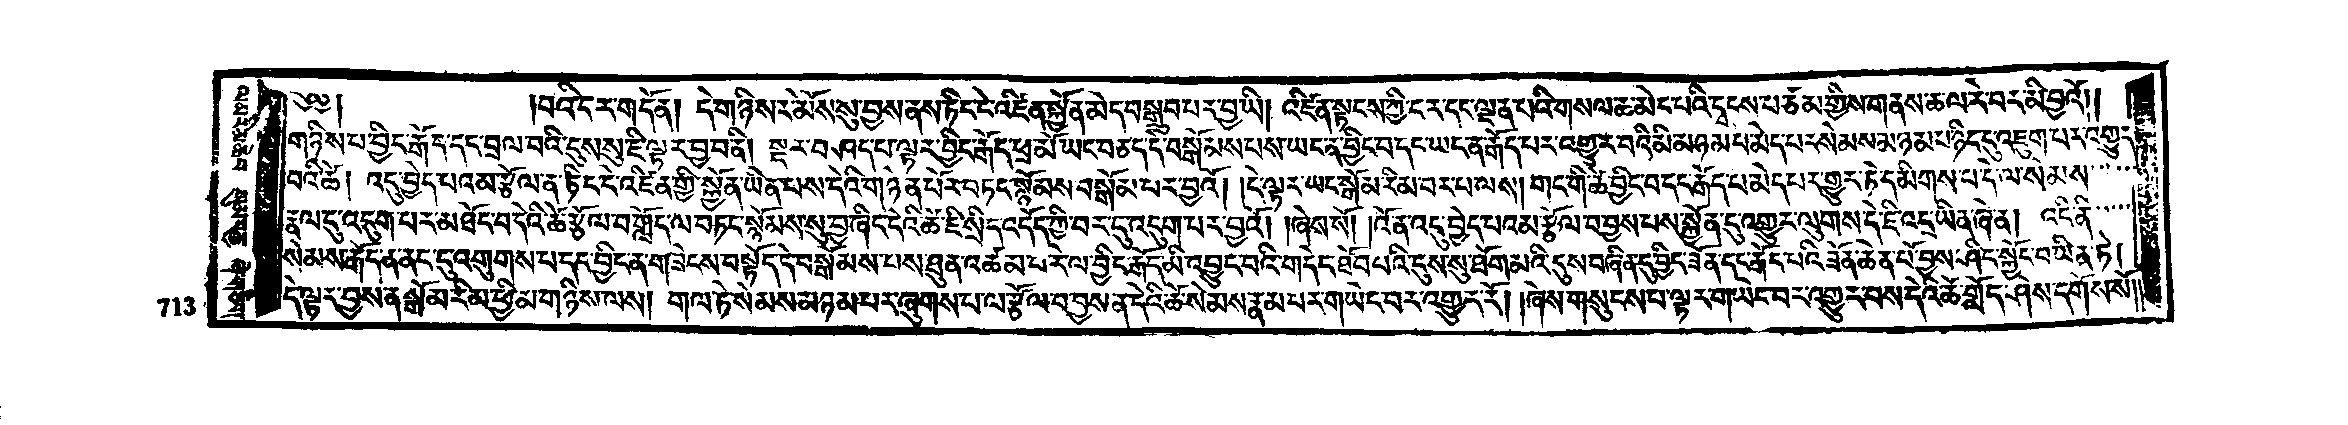༄༅། །བའི་ངར་གདོན། དེ་གཉིས་རེ་མོས་སུ་བྱས་ནས་ཏིང་ངེ་འཛིན་སྐྱོན་མེད་བསྒྲུབ་པར་བྱ་ཡི། འཛིན་སྟངས་ཀྱི་ངར་དང་ལྡན་པའི་གསལ་ཆ་མེད་པའི་དྭངས་པ་ཙམ་གྱིས་གནས་ཆ་ལ་རེ་བར་མི་བྱའོ། །
གཉིས་པ་བྱིང་རྒོད་དང་བྲལ་བའི་དུས་སུ་ཇི་ལྟར་བྱ་བ་ནི། སྔར་བཤད་པ་ལྟར་བྱིང་རྒོད་ཕྲ་མོ་ཡང་བཅད་དེ་བསྒོམས་པས་ཡང་ན་བྱིང་བ་དང་ཡང་ན་རྒོད་པར་འགྱུར་བའི་མི་མཉམ་པ་མེད་པར་སེམས་མཉམ་པ་ཉིད་དུ་འཇུག་པར་འགྱུར་
བའི་ཚེ། འདུ་བྱེད་པའམ་རྩོལ་ན་ཏིང་ངེ་འཛིན་གྱི་སྐྱོན་ཡིན་པས་དེའི་གཉེན་པོར་བཏང་སྙོམས་བསྒོམ་པར་བྱའོ། །དེ་ལྟར་ཡང་སྒོམ་རིམ་བར་པ་ལས། གང་གི་ཚེ་བྱིང་བ་དང་རྒོད་པ་མེད་པར་གྱུར་ཏེ་དམིགས་པ་དེ་ལ་སེམས་
རྣལ་དུ་འདུག་པར་མཐོང་བ་དེའི་ཚེ་རྩོལ་བ་གློད་ལ་བཏང་སྙོམས་སུ་བྱ་ཞིང་དེའི་ཚེ་ཇི་སྲིད་འདོད་ཀྱི་བར་དུ་འདུག་པར་བྱའོ། །ཞེས་སོ། །འོ་ན་འདུ་བྱེད་པའམ་རྩོལ་བ་བྱས་པས་སྐྱོན་དུ་འགྱུར་ལུགས་དེ་ཇི་འདྲ་ཡིན་ཞེ་ན། འདི་ནི་
སེམས་རྒོད་ན་ནང་དུ་འགུགས་པ་དང་བྱིང་ན་གཟེངས་བསྟོད་དེ་བསྒོམས་པས་ཐུན་འཚམ་པ་རེ་ལ་བྱིང་རྒོད་མི་འབྱུང་བའི་གདེང་ཐོབ་པའི་དུས་སུ་ཐོག་མའི་དུས་བཞིན་དུ་བྱིང་ཟོན་དང་རྒོད་པའི་ཟོན་ཆེན་པོ་བྱས་ཤིང་སྐྱོང་བ་ཡིན་ཏེ།
དེ་ལྟར་བྱས་ན་སྒོམ་རིམ་ཕྱི་མ་གཉིས་ལས། གལ་ཏེ་སེམས་མཉམ་པར་ཞུགས་པ་ལ་རྩོལ་བ་བྱས་ན་དེའི་ཚེ་སེམས་རྣམ་པར་གཡེང་བར་འགྱུར་རོ། །ཞེས་གསུངས་པ་ལྟར་གཡེང་བར་འགྱུར་བས་དེའི་ཚེ་གློད་ཤེས་དགོས་སོ། །